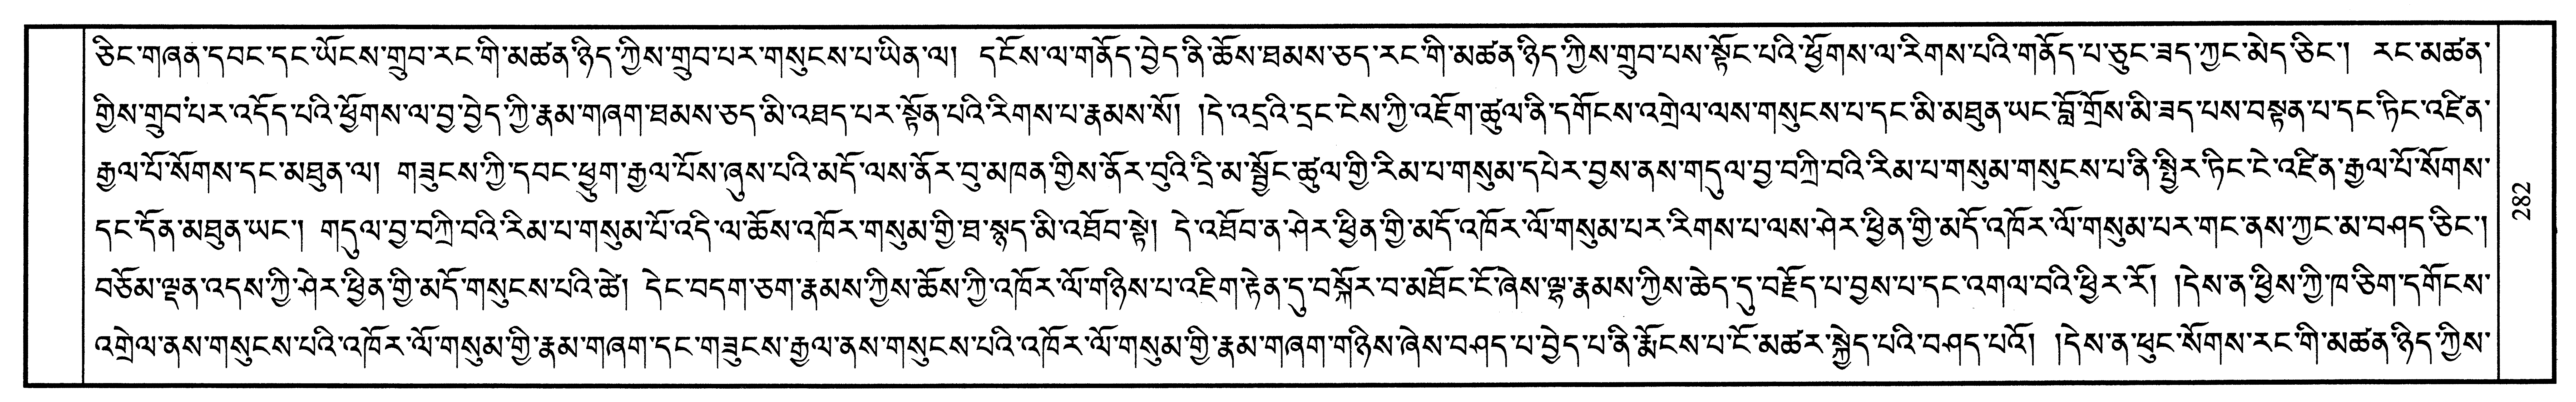ཅིང་གཞན་དབང་དང་ཡོངས་གྲུབ་རང་གི་མཚན་ཉིད་ཀྱིས་གྲུབ་པར་གསུངས་པ་ཡིན་ལ། དངོས་ལ་གནོད་བྱེད་ནི་ཆོས་ཐམས་ཅད་རང་གི་མཚན་ཉིད་ཀྱིས་གྲུབ་པས་སྟོང་པའི་ཕྱོགས་ལ་རིགས་པའི་གནོད་པ་ཅུང་ཟད་ཀྱང་མེད་ཅིང་། རང་མཚན་
གྱིས་གྲུབ་པར་འདོད་པའི་ཕྱོགས་ལ་བྱ་བྱེད་ཀྱི་རྣམ་གཞག་ཐམས་ཅད་མི་འཐད་པར་སྟོན་པའི་རིགས་པ་རྣམས་སོ། །དེ་འདྲའི་དྲང་ངེས་ཀྱི་འཇོག་ཚུལ་ནི་དགོངས་འགྲེལ་ལས་གསུངས་པ་དང་མི་མཐུན་ཡང་བློ་གྲོས་མི་ཟད་པས་བསྟན་པ་དང་ཏིང་འཛིན་
རྒྱལ་པོ་སོགས་དང་མཐུན་ལ། གཟུངས་ཀྱི་དབང་ཕྱུག་རྒྱལ་པོས་ཞུས་པའི་མདོ་ལས་ནོར་བུ་མཁན་གྱིས་ནོར་བུའི་དྲི་མ་སྦྱོང་ཚུལ་གྱི་རིམ་པ་གསུམ་དཔེར་བྱས་ནས་གདུལ་བྱ་བཀྲི་བའི་རིམ་པ་གསུམ་གསུངས་པ་ནི་སྤྱིར་ཏིང་ངེ་འཛིན་རྒྱལ་པོ་སོགས་
དང་དོན་མཐུན་ཡང་། གདུལ་བྱ་བཀྲི་བའི་རིམ་པ་གསུམ་པོ་འདི་ལ་ཆོས་འཁོར་གསུམ་གྱི་ཐ་སྙད་མི་འཐོབ་སྟེ། དེ་འཐོབ་ན་ཤེར་ཕྱིན་གྱི་མདོ་འཁོར་ལོ་གསུམ་པར་རིགས་པ་ལས་ཤེར་ཕྱིན་གྱི་མདོ་འཁོར་ལོ་གསུམ་པར་གང་ནས་ཀྱང་མ་བཤད་ཅིང་།
བཅོམ་ལྡན་འདས་ཀྱི་ཤེར་ཕྱིན་གྱི་མདོ་གསུངས་པའི་ཚེ། དེང་བདག་ཅག་རྣམས་ཀྱིས་ཆོས་ཀྱི་འཁོར་ལོ་གཉིས་པ་འཇིག་རྟེན་དུ་བསྐོར་བ་མཐོང་ངོ་ཞེས་ལྷ་རྣམས་ཀྱིས་ཆེད་དུ་བརྗོད་པ་བྱས་པ་དང་འགལ་བའི་ཕྱིར་རོ། །དེས་ན་ཕྱིས་ཀྱི་ཁ་ཅིག་དགོངས་
འགྲེལ་ནས་གསུངས་པའི་འཁོར་ལོ་གསུམ་གྱི་རྣམ་གཞག་དང་གཟུངས་རྒྱལ་ནས་གསུངས་པའི་འཁོར་ལོ་གསུམ་གྱི་རྣམ་གཞག་གཉིས་ཞེས་བཤད་པ་བྱེད་པ་ནི་རྨོངས་པ་ངོ་མཚར་སྐྱེད་པའི་བཤད་པའོ། །དེས་ན་ཕུང་སོགས་རང་གི་མཚན་ཉིད་ཀྱིས་